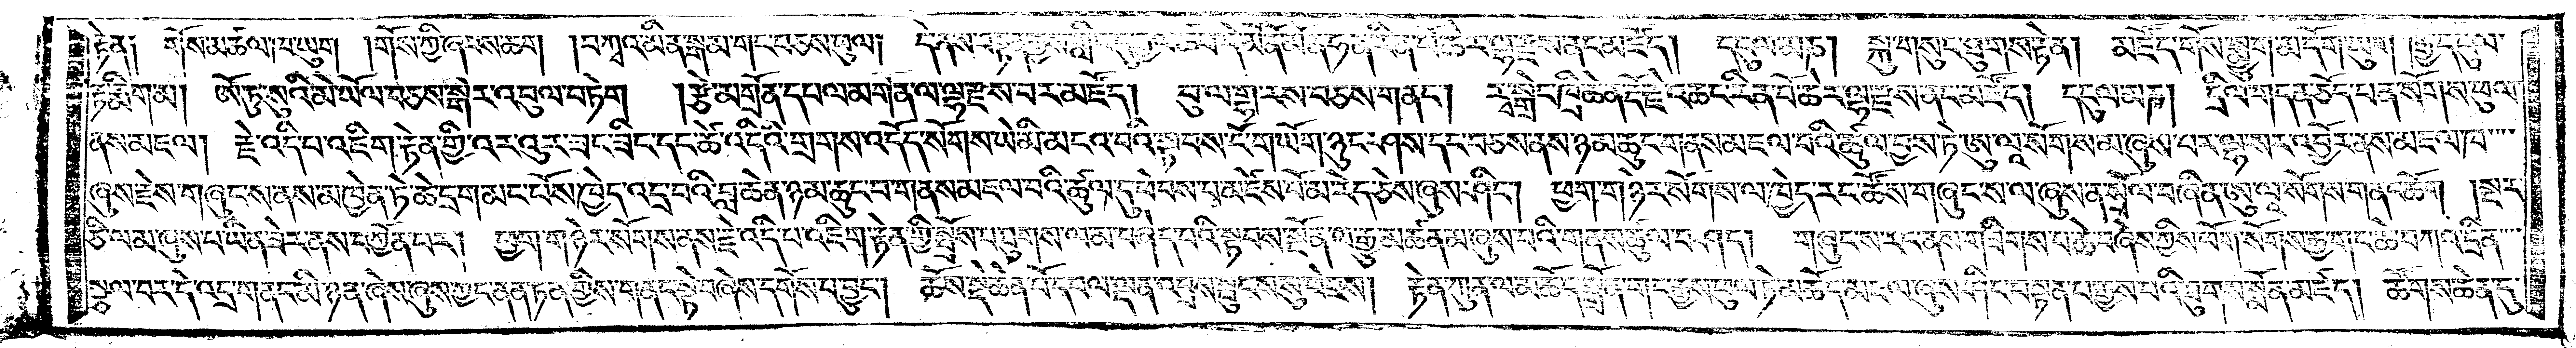རྟེན༑ གོས་མཚལ་ཁ་ཡུག །གོས་ཀྱི་ཞབས་ཆག །བཀྭའ་མིན་སྒམ་གང་བཅས་ཕུལ། དེ་ནས་བསྟན་རྒྱས་གླིང་དུ་རྒྱལ་ཚབ་དེ་མོ་ནོ་མོན་ཧན་རིན་པོ་ཆེར་ལྷ་རྫས་ནང་མཛོད། དངུལ་མཎ། སྐུ་གསུང་ཐུགས་རྟེན། མཛོད་གོས་སྨྱུག་མདོག་ཡུག །རྒྱ་དངུལ་
རྟ་རྨིག་མ། ཨོ་ཏུ་སུའི་མེ་ཡོལ་བཅས་སྒེར་འབུལ་བཏེག །རྩེ་མགྲོན་དཔལ་མགོན་ལ་ལྷ་རྫས་བར་མཛོད། བུ་ལ་གྷ་ར་ས་བཅས་གནང་། རྭ་སྒྲེང་ཁྲི་ཆེན་རྡོ་རྗེ་འཆང་རིན་པོ་ཆེར་ལྷ་རྫས་ནང་མཛོད། དངུལ་མཎ། དྲིལ་གདན་ཅོད་པན་སོགས་ཕུལ་
ནས་མཇལ། རྗེ་འདི་པ་འཇིག་རྟེན་གྱི་འྲ་བུར་ཟང་ཟིང་དང་ཚེ་འདིའི་གྲགས་འདོད་སོགས་ཡེ་མི་མངའ་བའི་སྟབས་ངོ་གཡོག་ཉུང་ཤས་དང་བཅས་ནས་ཉམ་ཆུང་གནས་མཇལ་བའི་ཚུལ་བྱས་ཏེ་ཨུ་ལཱ་སོགས་མ་ཞུས་པར་ལྷ་སར་འབྱོར་ནས་མཇལ་ཁ་
ཞུས་རྗིས་གཞུང་ས་ནས་མཁྱེན་ཏེ་ཆེ་དྲག་མང་པོས་ཁྱེད་འདྲ་བའི་བླ་ཆེན་ཉམ་ཆུང་བ་གནས་མཇལ་བའི་ཚུལ་དུ་ཕེབས་བ་མཛེས་བོ་མ་རེད་ཅེས་ཞུས་ཤིང་། ཕྱག་གཉེར་སོགས་ལ་ཁྱེད་རང་ཚོས་གཞུང་ས་ལ་ཞུས་ན་སྲོལ་བཞིན་ཨུ་ལཱ་སོགས་གནད་ཆོག །སྔར་
ཅི་ལམ་ཞུས་པ་ཡིན་ཟེར་ནས་བཀྱོན་པར། ཕྱག་གཉེར་སོགས་ནས་རྗེ་འདི་པ་འཇིག་རྟེན་གྱི་སྤྲོས་པ་ཐུགས་ལམ་བཞེད་བའི་སྟབས་སྔོན་ལ་རྒྱུ་མཚན་མ་ཞུས་བའི་གནས་ཚུལ་བཤད། གཞུང་ས་རང་ནས་གཟིགས་བ་ཆེ་བཞེས་ཀྱིས་ཕོག་སོགས་རྒྱ་གང་ཆེ་བཀའ་དྲིན་
སྩལ་བར་དེ་འདྲ་གནང་མི་ཉན་ཞེས་ཞུས་ཀྱང་ནན་ཏན་གྱིས་གནང་སྟེ་བཞེས་དགོས་བ་བྱུང་། ཆོས་སྡེ་ཆེན་པོ་དབལ་ལྡན་འབྲས་སྤུངས་སུ་ཕེབས། རྟེན་ཀུན་ལ་མཆོད་སྒྲོན་གང་རྒྱས་ཕུལ་ཏེ་མཆོད་མཇལ་ཞུས་ཤིང་བསྟན་པ་རྒྱས་པའི་ཐུགས་སྨོན་མཛད། ཚོགས་ཆེན་དུ་